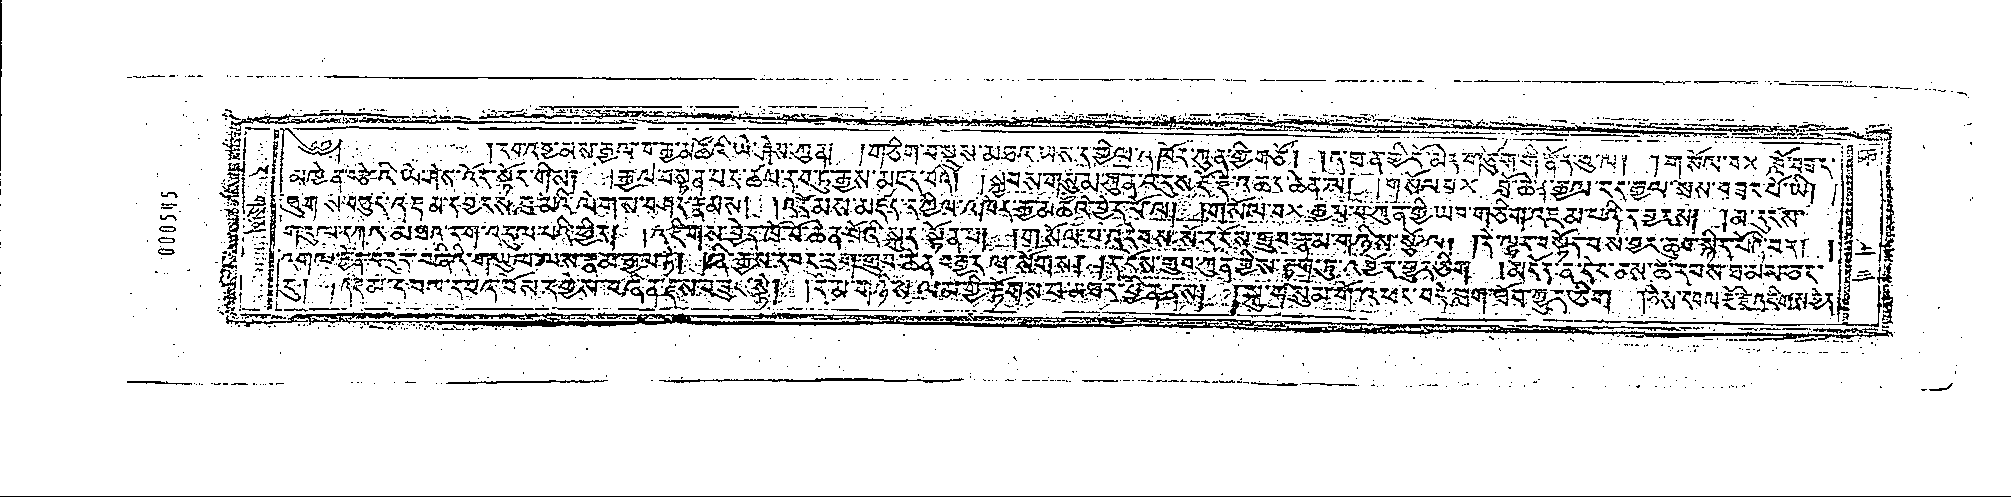༄༅། །རབ་འབྱམས་རྒྱལ་བ་རྒྱ་མཚོའི་ཡེ་ཤེས་ཀུན། །གཅིག་བསྡུས་མཐའ་ཡས་དཀྱིལ་འཁོར་ཀུན་གྱི་གཙོ། །འགྲན་གྱི་དོ་མེད་གཙུག་གི་ནོར་བུ་ལ། །གསོལ་བ་྾་བློ་བཟང་
མཁྱེན་བརྩེའི་ཡེ་ཤེས་འོད་སྟོང་གིས། །རྒྱལ་བསྟན་པར་ཚལ་རབ་ཏུ་རྒྱས་མཛད་བའི། །སྐྱབས་གསུམ་ཀུན་འདུས་རྡོ་རྗེ་འཆང་ཆེན་ལ། །གསོལ་བ་྾་བློ་ཆེན་རྒྱལ་ངང་རྒྱལ་སྲས་བཟང་པོ་ཡི། །
ཐུགས་བཅུད་འཇམ་དབྱངས་བླ་མའི་ལེགས་བཤད་རྣམས། །འདོམས་མཛད་དཀྱིལ་འཁོར་རྒྱ་མཚོའི་བྱེད་པོ་ལ། །གསོལ་བ་྾་རྒྱལ་བ་ཀུན་གྱི་ཡབ་གཅིག་འཇམ་པའི་དབྱངས། །མ་དུངས་
གདུལ་དཀའ་མཐའ་དག་འདུལ་པའི་ཕྱིར། །འཇིགས་བྱེད་ཁྲོ་བོ་ཆེན་པོའི་སྐུར་སྟོན་པ། །གསོལ་བ་འདེབས་སོ་དངོས་གྲུབ་རྣམ་གཉིས་སྩོལ། །དེ་ལྟར་བསྟོད་པས་བྱང་ཆུབ་སྙིང་པོའི་བར། །
འགལ་རྐྱེན་བདུད་བཞིའི་གཡུལ་ལས་རྣམ་རྒྱལ་ཏེ། །ཞི་རྒྱས་དབང་དྲག་གྲུབ་ཆེན་བརྒྱད་ལ་སོགས། །དངོས་གྲུབ་ཀུན་གྱིས་རྟག་ཏུ་འབྱོར་གྱུར་ཅིག །མདོར་ན་དེང་ནས་ཚེ་རབས་ཐམས་ཅད་
དུ། །འཇམ་དཔལ་དཔའ་བོས་དགྱེས་བཞིན་རྗེས་བཟུང་སྟེ། །རིམ་གཉིས་ལམ་གྱི་རྟོགས་པ་མཐར་ཕྱིན་ནས། །སྐུ་གསུམ་གོ་འཕང་བདེ་བླག་ཐོབ་གྱུར་ཅིག །ཅེས་དཔལ་རྡོ་རྗེ་འཇིགས་བྱེད་